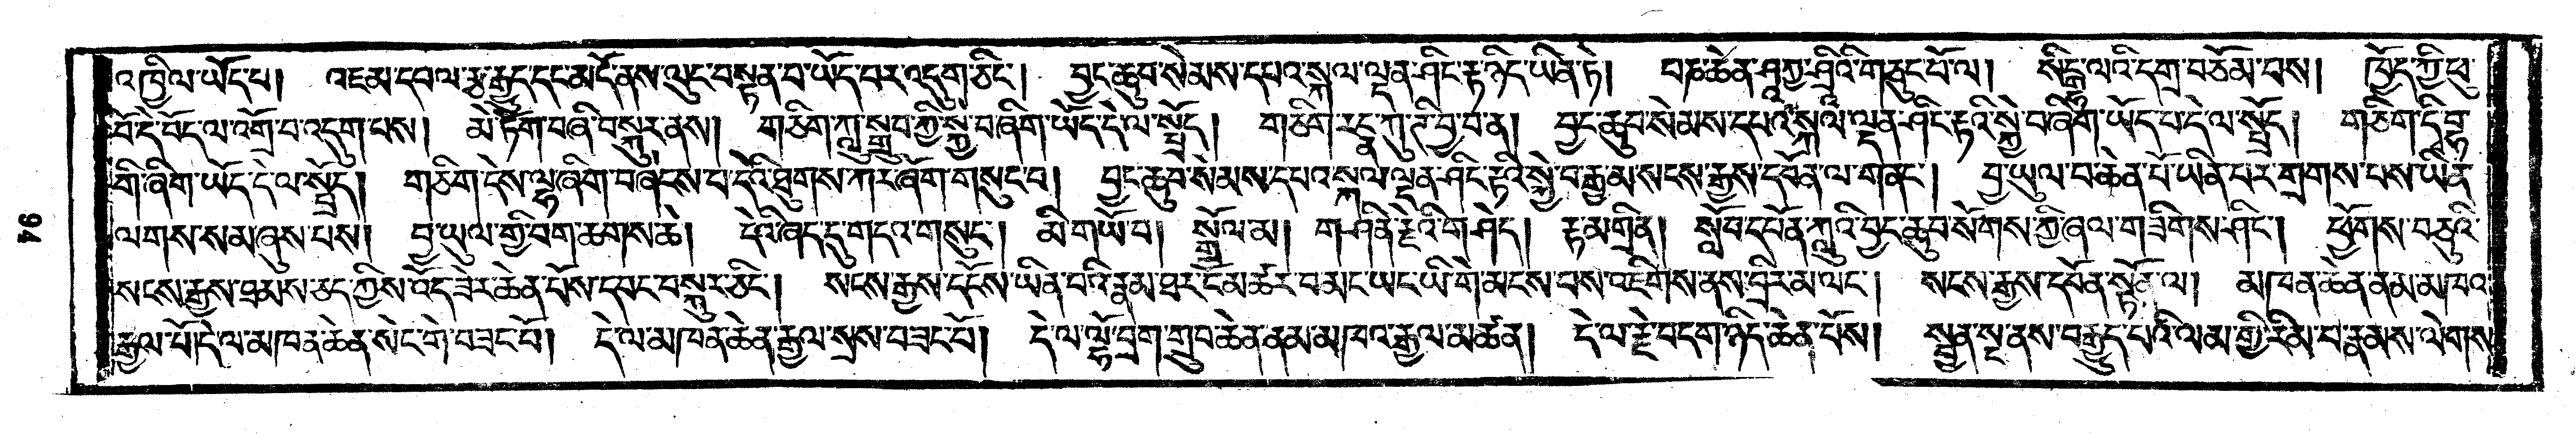འཁྱིལ་ཡོད་པ། འཇམ་དཔལ་རྩ་རྒྱུད་དང་མདོ་ནས་ལུང་བསྟན་བ་ཡོད་པར་འདུག་ཅིང་། བྱང་ཆུབ་སེམས་དཔའ་སྐལ་ལྡན་ཤིང་རྟ་ཉིད་ཡིན་ཏེ། པཎ་ཆེན་ཤཱཀྱ་ཤྲཱིའི་གཅུང་པོ་ལ། སིངྒྷ་ལའི་དགྲ་བཅོམ་པས། ཁྱོད་ཀྱི་ཕུ་
བོ་དེ་བོད་ལ་འགྲོ་བ་འདུག་པས། མེ་ཏོག་བཞི་བསྐུར་ནས། གཅིག་ཀླུ་སྒྲུབ་ཀྱི་སྐྱེ་བ་ཞིག་ཡོད་དེ་ལ་སྤྲོད། གཅིག་རང་ན་ཀུ་ཊི་བྱ་བ་ན། བྱང་ཆུབ་སེམས་དཔའ་སྐལ་ལྡན་ཤིང་རྟའི་སྐྱེ་བ་ཞིག་ཡོད་པ་དེ་ལ་སྤྲོད། གཅིག་དྭི་བྷ་
གི་ཞིག་ཡོད་དེ་ལ་སྤྲོད། གཅིག་དེས་ལྷ་ཞིག་བཞེངས་པ་དེའི་ཐུགས་ཀར་ཞོག་གསུང་བ། བྱང་ཆུབ་སེམས་དཔའ་སྐལ་ལྡན་ཤིང་རྟའི་སྐྱེ་བ་རྒྱ་མ་སངས་རྒྱས་དབོན་ལ་གནང་། བྱ་ཡུལ་བ་ཆེན་པོ་ཡིན་པར་གྲགས་པས་ཡིན་
ལགས་སམ་ཞུས་པས། བྱ་ཡུལ་གྱི་བག་ཆགས་ཆེ། དེའི་ཞད་དུ་གདའ་གསུང་། མི་གཡོ་བ། སྒྲོལ་མ། གཤིན་རྗེའི་གཤེད། རྟ་མགྲིན། སློབ་དཔོན་ཀླུའི་བྱང་ཆུབ་སོགས་ཀྱི་ཞལ་གཟིགས་ཤིང་། ཕྱོགས་བཅུའི་
སངས་རྒྱས་ཐམས་ཅད་ཀྱིས་འོད་ཟེར་ཆེན་པོས་དབང་བསྐུར་ཅིང་། སངས་རྒྱས་དངོས་ཡིན་བའི་རྣམ་ཐར་ངོ་མཚར་བ་མང་ཡང་ཡི་གེ་མངས་པས་འཇིགས་ནས་བྲིར་མ་ལང་། སངས་རྒྱས་དབོན་སྟོན་ལ། མཁན་ཆེན་ནམ་མཁའ་
རྒྱལ་པོ། དེ་ལ་མཁན་ཆེན་སེང་གེ་བཟང་པོ། དེ་ལ་མཁན་ཆེན་རྒྱལ་སྲས་བཟང་པོ། དེ་ལ་ལྷོ་བྲག་གྲུབ་ཆེན་ནམ་མཁའ་རྒྱལ་མཚན། དེ་ལ་རྗེ་བདག་ཉིད་ཆེན་པོས། སྤྱན་སྔ་ནས་བརྒྱུད་པའི་ལམ་གྱི་རིམ་པ་རྣམས་ལེགས་